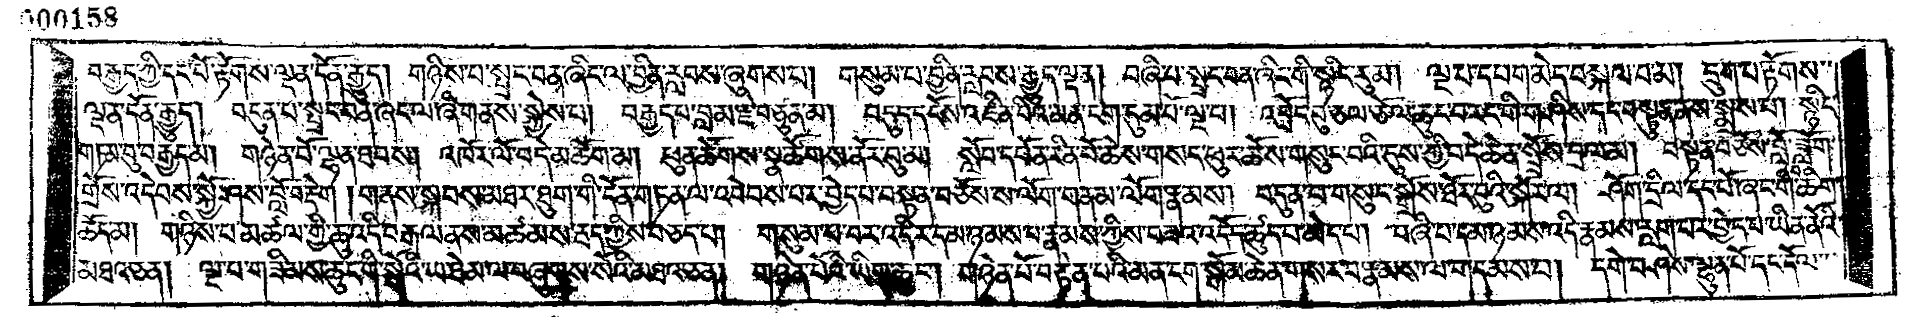བརྒྱད་ཀྱི་དང་པོ་རྟོགས་ལྡན་དོན་རྒྱུད། གཉིས་པ་སྤྲང་བ་ན་ཞིང་ལ་བྱིན་རླབས་ཞུགས་པ། གསུམ་པ་བྱིན་རླབས་རྒྱུད་ལྡན། བཞི་པ་སྤྲང་བན་ཞིང་གི་སྙིང་རུམ། ལྔ་པ་དཔག་མེད་བསྒལ་བ་མ། དྲུག་པ་རྟོགས་
ལྡན་དོན་རྒྱུད། བདུན་པ་སྤྲང་བན་ཞང་ལ་ཞི་གནས་སྐྱེས་པ། བརྒྱད་པ་བླ་མ་རྗེ་བཙུན་མ། བདུད་དངོས་འཛིན་པའི་མན་ངག་དུམ་པོ་ལྔ་པ། འབྲོང་བུ་ཅལ་ཅོལ་ཆུང་བ་རང་གི་གཤིས་དང་བསྟུན་ནས་སྨྲས་པ། སྙིང་
གཏམ་བུ་བརྒྱད་མ། གཉེན་པོ་ལྷན་ཐབས། འཁོར་ལོ་བདེ་མཆོག་མ། ཕུན་ཚོགས་སྣ་ཚོགས་ནོར་བུ་མ། སློབ་དཔོན་རིན་པོ་ཆེས་གསུང་ཕུར་ཆོས་གསུང་བའི་དུས་ཀྱི་བདེ་ཆེན་སྤྲོས་བྲལ་མ། བསྟན་བཅོས་བློ་ཟློག་
གྲོས་འདེབས་སྐྱོ་ཤས་བློ་བརྡེག །གནས་སྐབས་མཐར་ཐུག་གི་དོན་གཏན་ལ་འབེབས་པར་བྱེད་པ་བསྟན་བཅོས་ས་ལོག་གནམ་ལོག་རྣམས། བདུན་པ་གསུང་སྒྲོས་ཐོར་བུའི་སྐོར་ལ། ཤོག་དྲིལ་དང་པོ་ཞང་གི་ཆིག་
ཆོད་མ། གཉིས་པ་མཚལ་གྱི་ཆུ་འདི་བརྒལ་ནས་མཚམས་རྦད་ཀྱིས་བཅད་པ། གསུམ་པ་བར་འདིར་དམ་ཉམས་པ་རྣམས་ཀྱིས་བཟའ་འདོད་ཚུད་པ་མེད་པ། བཞི་པ་དམ་ཉམས་འདི་རྣམས་རླག་པར་བྱེད་པ་ཡིན་ནོའི་
མཐའ་ཅན། ལྔ་པ་གཟིམས་ཆུང་གི་སྒོའི་ཡ་ཐེམ་ལ་བཞུགས་སོའི་མཐའ་ཅན། གཉེན་པོའི་ཡིག་ཆུང་། གཉེན་པོ་བརྟེན་པའི་མན་ངག་སྒོམ་ཆེན་གསར་བ་རྣམས་ལ་གདམས་པ། དགེ་བཤེས་ལྷུན་པོ་དང་དོལ་